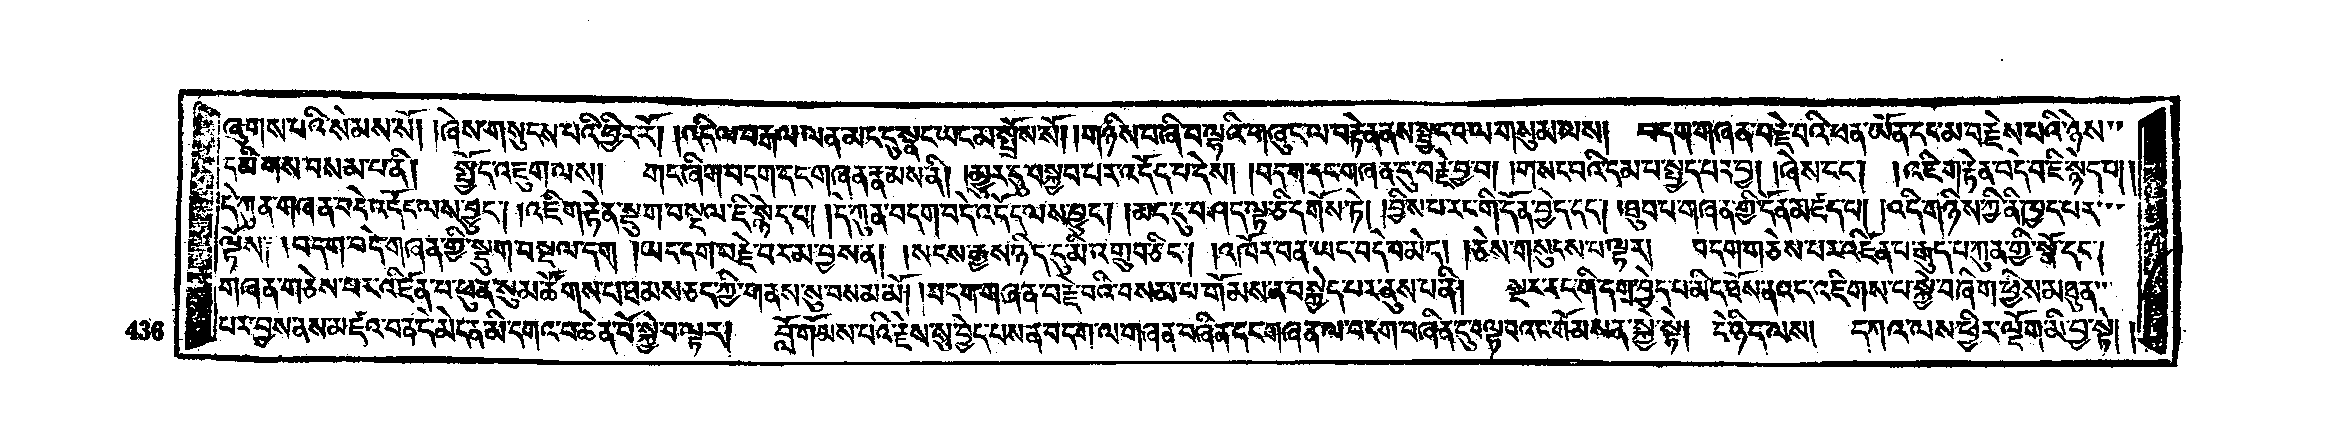ཞུགས་པའི་སེམས་སོ། །ཞེས་གསུངས་པའི་ཕྱིར་རོ། །འདི་ལ་བརྒལ་ལན་མང་དུ་སྣང་ཡང་མ་སྤྲོས་སོ། །གཉིས་པ་ཞི་བ་ལྷའི་གཞུང་ལ་བརྟེན་ནས་སྦྱང་བ་ལ་གསུམ་ལས། བདག་གཞན་བརྗེ་བའི་ཕན་ཡོན་དང་མ་བརྗེས་པའི་ཉེས་
དམིགས་བསམ་པ་ནི། སྤྱོད་འཇུག་ལས། གང་ཞིག་བདག་དང་གཞན་རྣམས་ནི། །མྱུར་དུ་བསྐྱབ་པར་འདོད་པ་དེས། །བདག་དང་གཞན་དུ་བརྗེ་བྱ་བ། །གསང་བའི་དམ་པ་སྤྱད་པར་བྱ། །ཞེས་དང་། འཇིག་རྟེན་བདེ་བ་ཇི་སྙེད་པ། །
དེ་ཀུན་གཞན་བདེ་འདོད་ལས་བྱུང་། །འཇིག་རྟེན་སྡུག་བསྔལ་ཇི་སྙེད་པ། །དེ་ཀུན་བདག་བདེ་འདོད་ལས་བྱུང་། །མང་དུ་བཤད་ལྟ་ཅི་དགོས་ཏེ། །བྱིས་པ་རང་གི་དོན་བྱེད་དང་། །ཐུབ་པ་གཞན་གྱི་དོན་མཛད་པ། །འདི་གཉིས་ཀྱི་ནི་ཁྱད་པར་
ལྟོས༑ ༑བདག་བདེ་གཞན་གྱི་སྡུག་བསྔལ་དག །ཡང་དག་བརྗེ་བར་མ་བྱས་ན། །སངས་རྒྱས་ཉིད་དུ་མི་འགྲུབ་ཅིང་། །འཁོར་བ་ན་ཡང་བདེ་བ་མེད། །ཅེས་གསུངས་པ་ལྟར། བདག་གཅེས་པར་འཛིན་པ་རྒུད་པ་ཀུན་གྱི་སྒོ་དང་།
གཞན་གཅེས་པར་འཛིན་པ་ཕུན་སུམ་ཚོགས་པ་ཐམས་ཅད་ཀྱི་གནས་སུ་བསམ་མོ། །བདག་གཞན་བརྗེ་བའི་བསམ་པ་གོམས་ན་བསྐྱེད་པར་ནུས་པ་ནི། སྔར་རང་གི་དགྲ་བྱེད་པ་མིང་ཐོས་ནའང་འཇིགས་པ་སྐྱེ་བ་ཞིག་ཕྱིས་མཐུན་
པར་བྱས་ནས་མཛའ་བ་ན་དེ་མེད་ན་མི་དགའ་བ་ཆེན་པོ་སྐྱེ་བ་ལྟར། བློ་གོམས་པའི་རྗེས་སུ་བྱེད་པས་ན་བདག་ལ་གཞན་བཞིན་དང་གཞན་ལ་བདག་བཞིན་དུ་བལྟ་བའང་གོམས་ན་སྐྱེ་སྟེ། དེ་ཉིད་ལས། དཀའ་ལས་ཕྱིར་ལྡོག་མི་བྱ་སྟེ། །